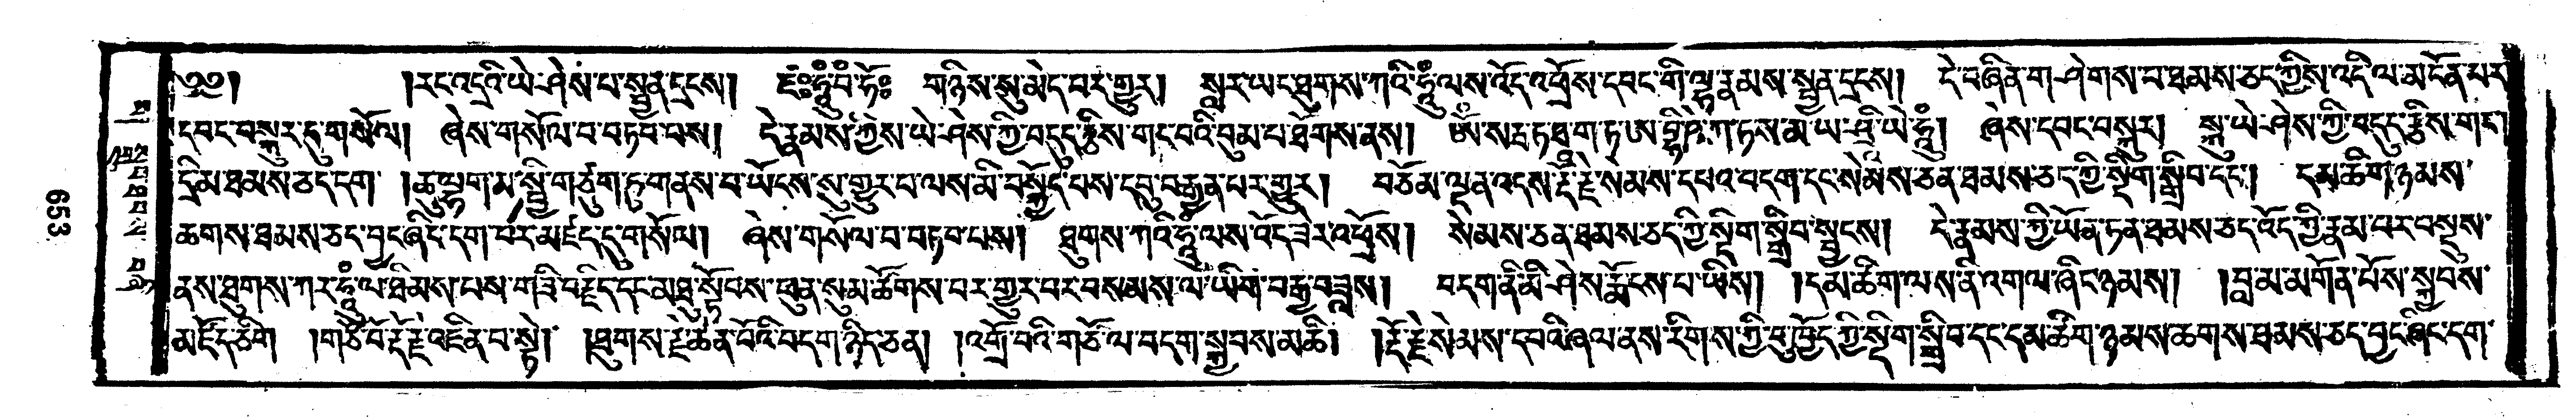༄༅། །རང་འདྲའི་ཡེ་ཤེས་པ་སྤྱན་དྲངས། ཛཿཧཱུཾ་བཾ་ཧོཿ གཉིས་སུ་མེད་པར་གྱུར། སླར་ཡང་ཐུགས་ཀའི་ཧཱུཾ་ལས་འོད་འཕྲོས་དབང་གི་ལྷ་རྣམས་སྤྱན་དྲངས། དེ་བཞིན་གཤེགས་པ་ཐམས་ཅད་ཀྱིས་འདི་ལ་མངོན་པར་
དབང་བསྐུར་དུ་གསོལ། ཞེས་གསོལ་བ་བཏབ་བས། དེ་རྣམས་ཀྱིས་ཡེ་ཤེས་ཀྱི་བདུད་རྩིས་གང་བའི་བུམ་པ་ཐོགས་ནས། ཨོཾ་སརྦ་ཏ་ཐཱ་ག་ཏ་ཨ་བྷི་ཥེ་ཀ་ཏ་ས་མ་ཡ་ཤྲཱི་ཡེ་ཧཱུཾ། ཞེས་དབང་བསྐུར། སྐུ་ཡེ་ཤེས་ཀྱི་བདུད་རྩིས་གང་།
དྲི་མ་ཐམས་ཅད་དག །ཆུ་ལྷག་མ་སྤྱི་གཙུག་ཏུ་གནས་པ་ཡོངས་སུ་གྱུར་པ་ལས་མི་བསྐྱོད་པས་དབུ་བརྒྱན་པར་གྱུར། བཅོམ་ལྡན་འདས་རྡོ་རྗེ་སེམས་དཔའ་བདག་དང་སེམས་ཅན་ཐམས་ཅད་ཀྱི་སྡིག་སྒྲིབ་དང་། དམ་ཚིག་ཉམས་
ཆགས་ཐམས་ཅད་བྱང་ཞིང་དག་པར་མཛད་དུ་གསོལ། ཞེས་གསོལ་བ་བཏབ་པས། ཐུགས་ཀའི་ཧཱུཾ་ལས་འོད་ཟེར་འཕྲོས། སེམས་ཅན་ཐམས་ཅད་ཀྱི་སྡིག་སྒྲིབ་སྦྱངས། དེ་རྣམས་ཀྱི་ཡོན་ཏན་ཐམས་ཅད་འོད་ཀྱི་རྣམ་པར་བསྡུས་
ནས་ཐུགས་ཀར་ཧཱུཾ་ལ་ཐིམས་པས་གཟི་བརྗིད་དང་མཐུ་སྟོབས་ཕུན་སུམ་ཚོགས་བར་གྱུར་བར་བསམས་ལ་ཡིག་བརྒྱ་བཟླས། བདག་ནི་མི་ཤེས་རྨོངས་པ་ཡིས། །དམ་ཚིགས་ལས་ནི་འགལ་ཞིང་ཉམས། །བླ་མ་མགོན་པོས་སྐྱབས་
མཛོད་ཅིག །གཙོ་བོ་རྡོ་རྗེ་འཛིན་བ་སྟེ། །ཐུགས་རྗེ་ཆེན་པོའི་བདག་ཉིད་ཅན། །འགྲོ་བའི་གཙོ་ལ་བདག་སྐྱབས་མཆི། །རྡོ་རྗེ་སེམས་དཔའི་ཞལ་ནས་རིགས་ཀྱི་བུ་ཁྱོད་ཀྱི་སྡིག་སྒྲིབ་དང་དམ་ཚིག་ཉམས་ཆགས་ཐམས་ཅད་བྱང་ཞིང་དག་